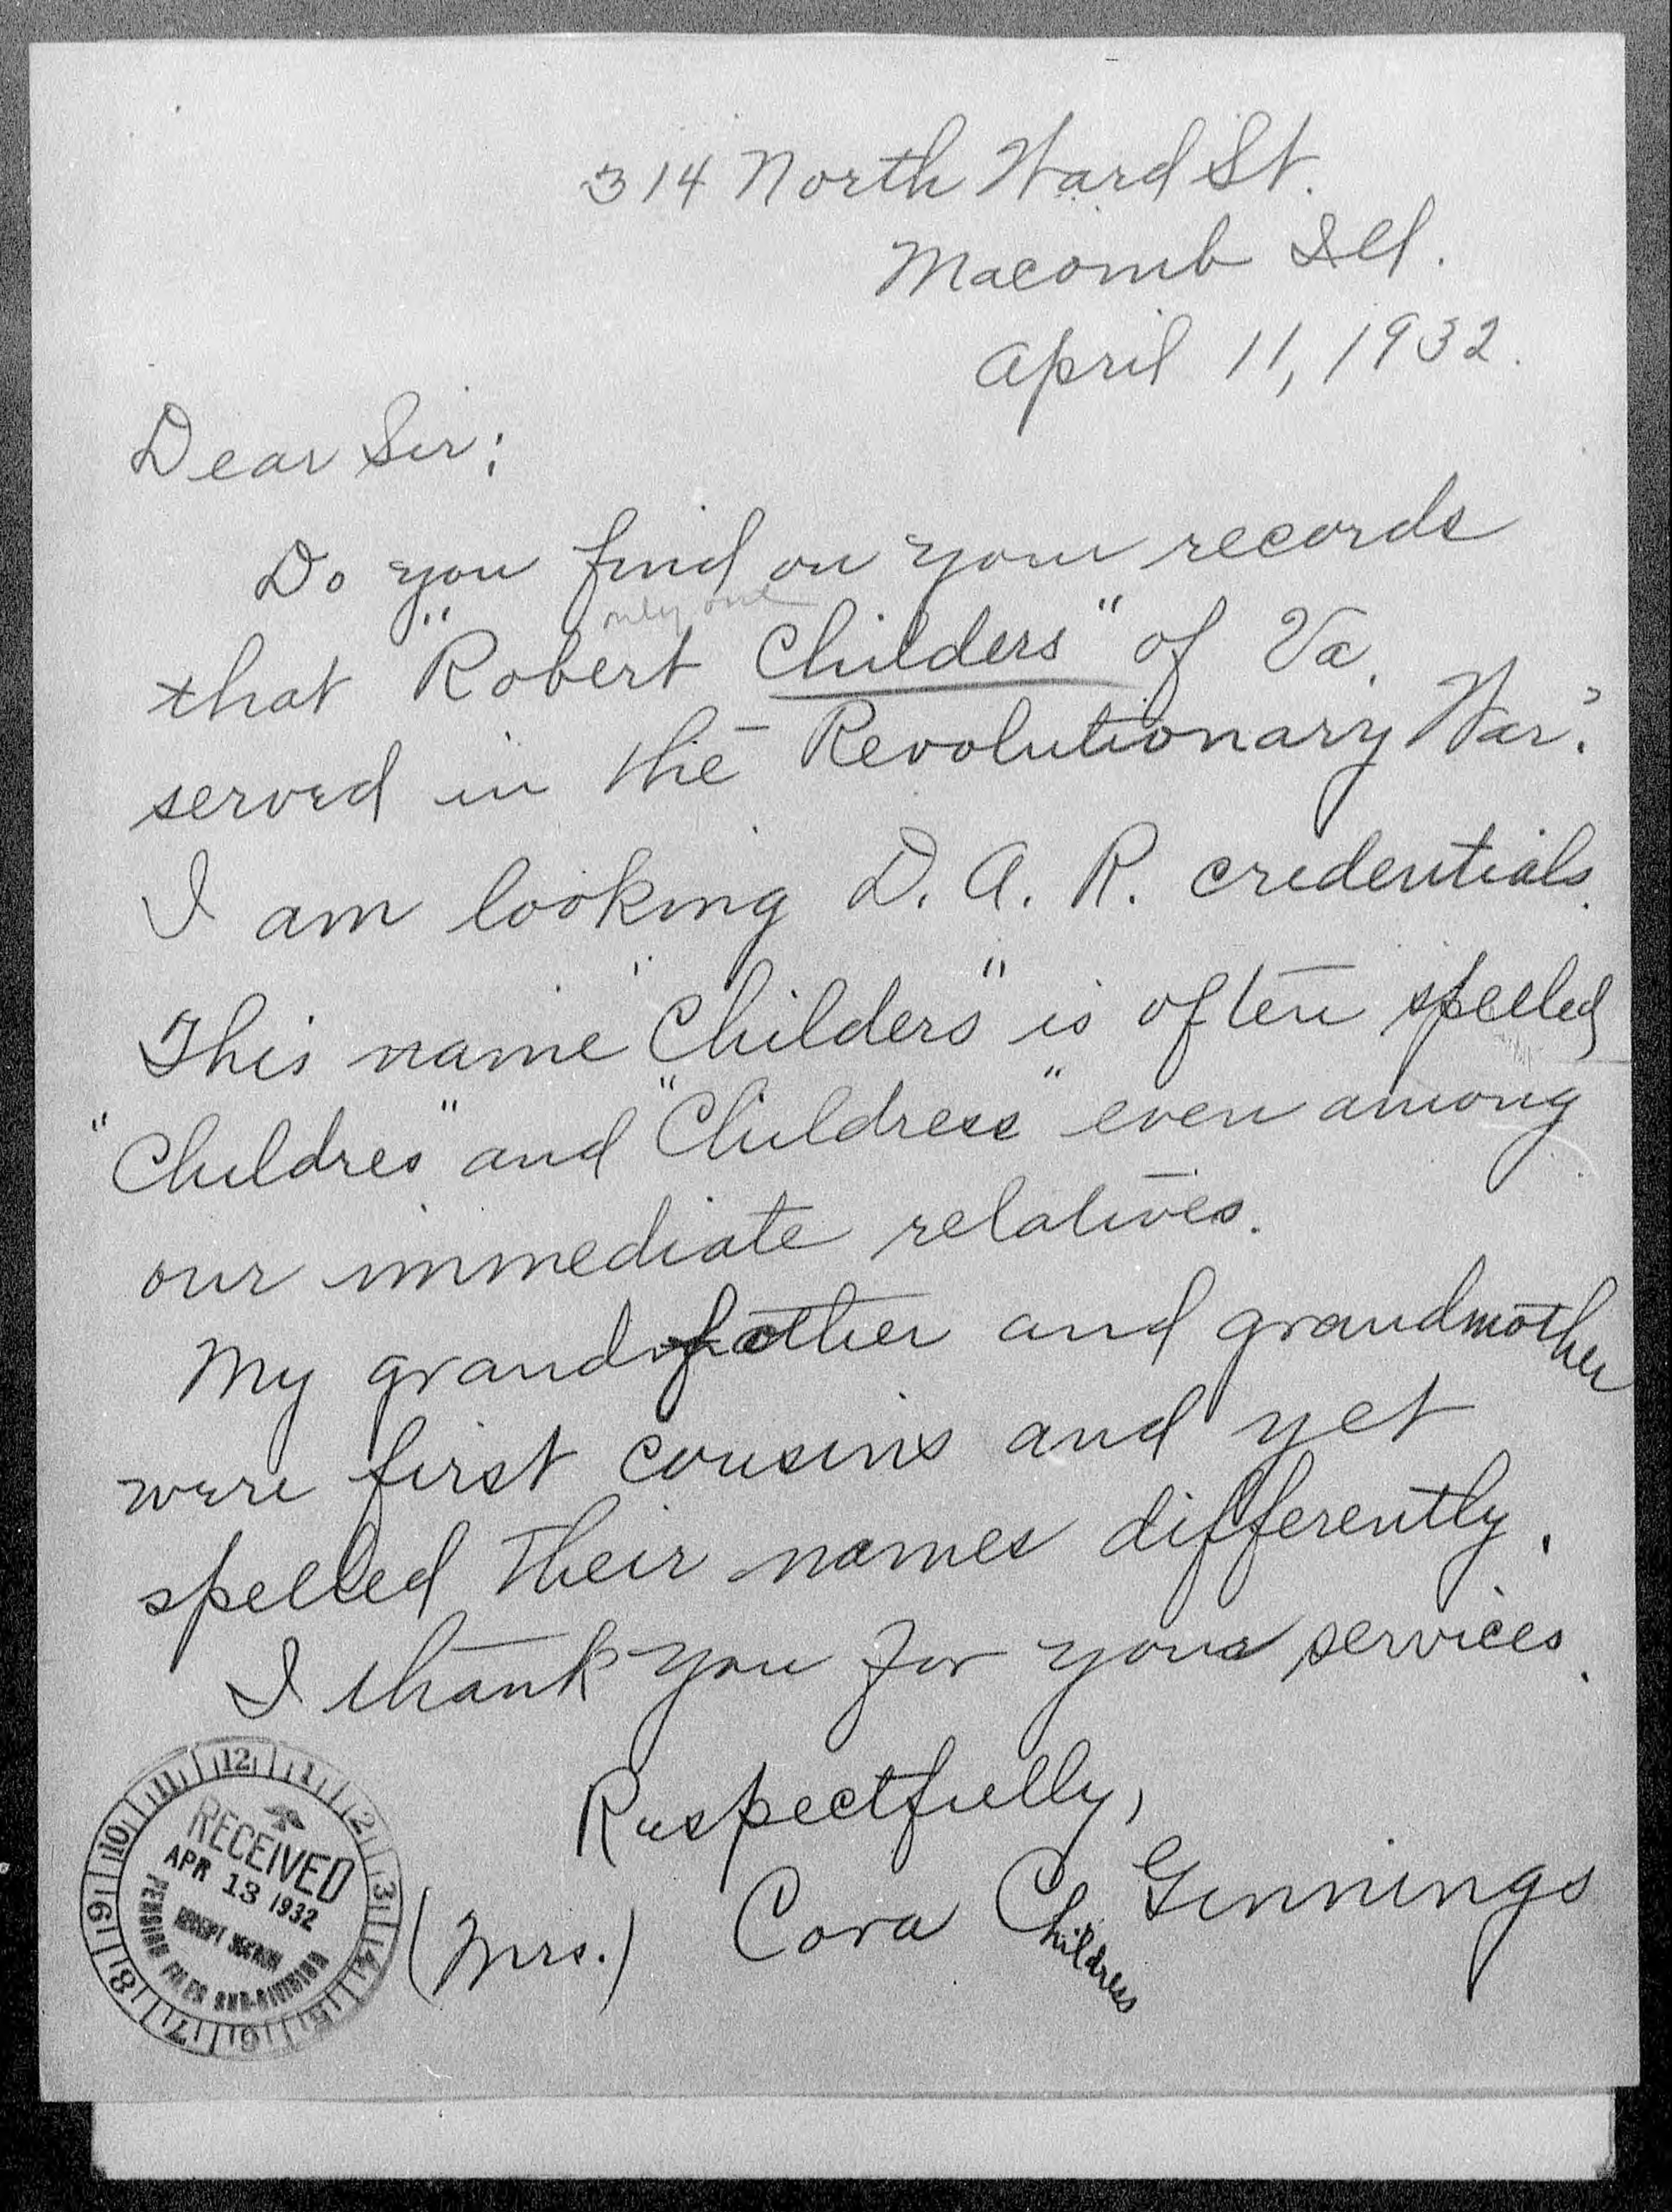314 North Ward St.
Macomb Ill.
April 11, 1932
Dear Sir:
Do you find on your records that “Robert Childers” of Va. served in the Revolutionary War? I am looking D.A.R. credentials. This name “Childers” is often spelled“Childres” and “Childress” even among our immediate relatives. my grandfather and grandmother were first cousins and yet spelled their names differently. I thank you for your services.
Respectfully,
(Mrs.)
Cora Childress Gennings
[stamped] Received Apr 13 1932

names: Robert Childers, Childres, Childress, Childers, Cora Childress Ginnings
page: 23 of 25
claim: rejected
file: R. 1929, Robert Childress, Va